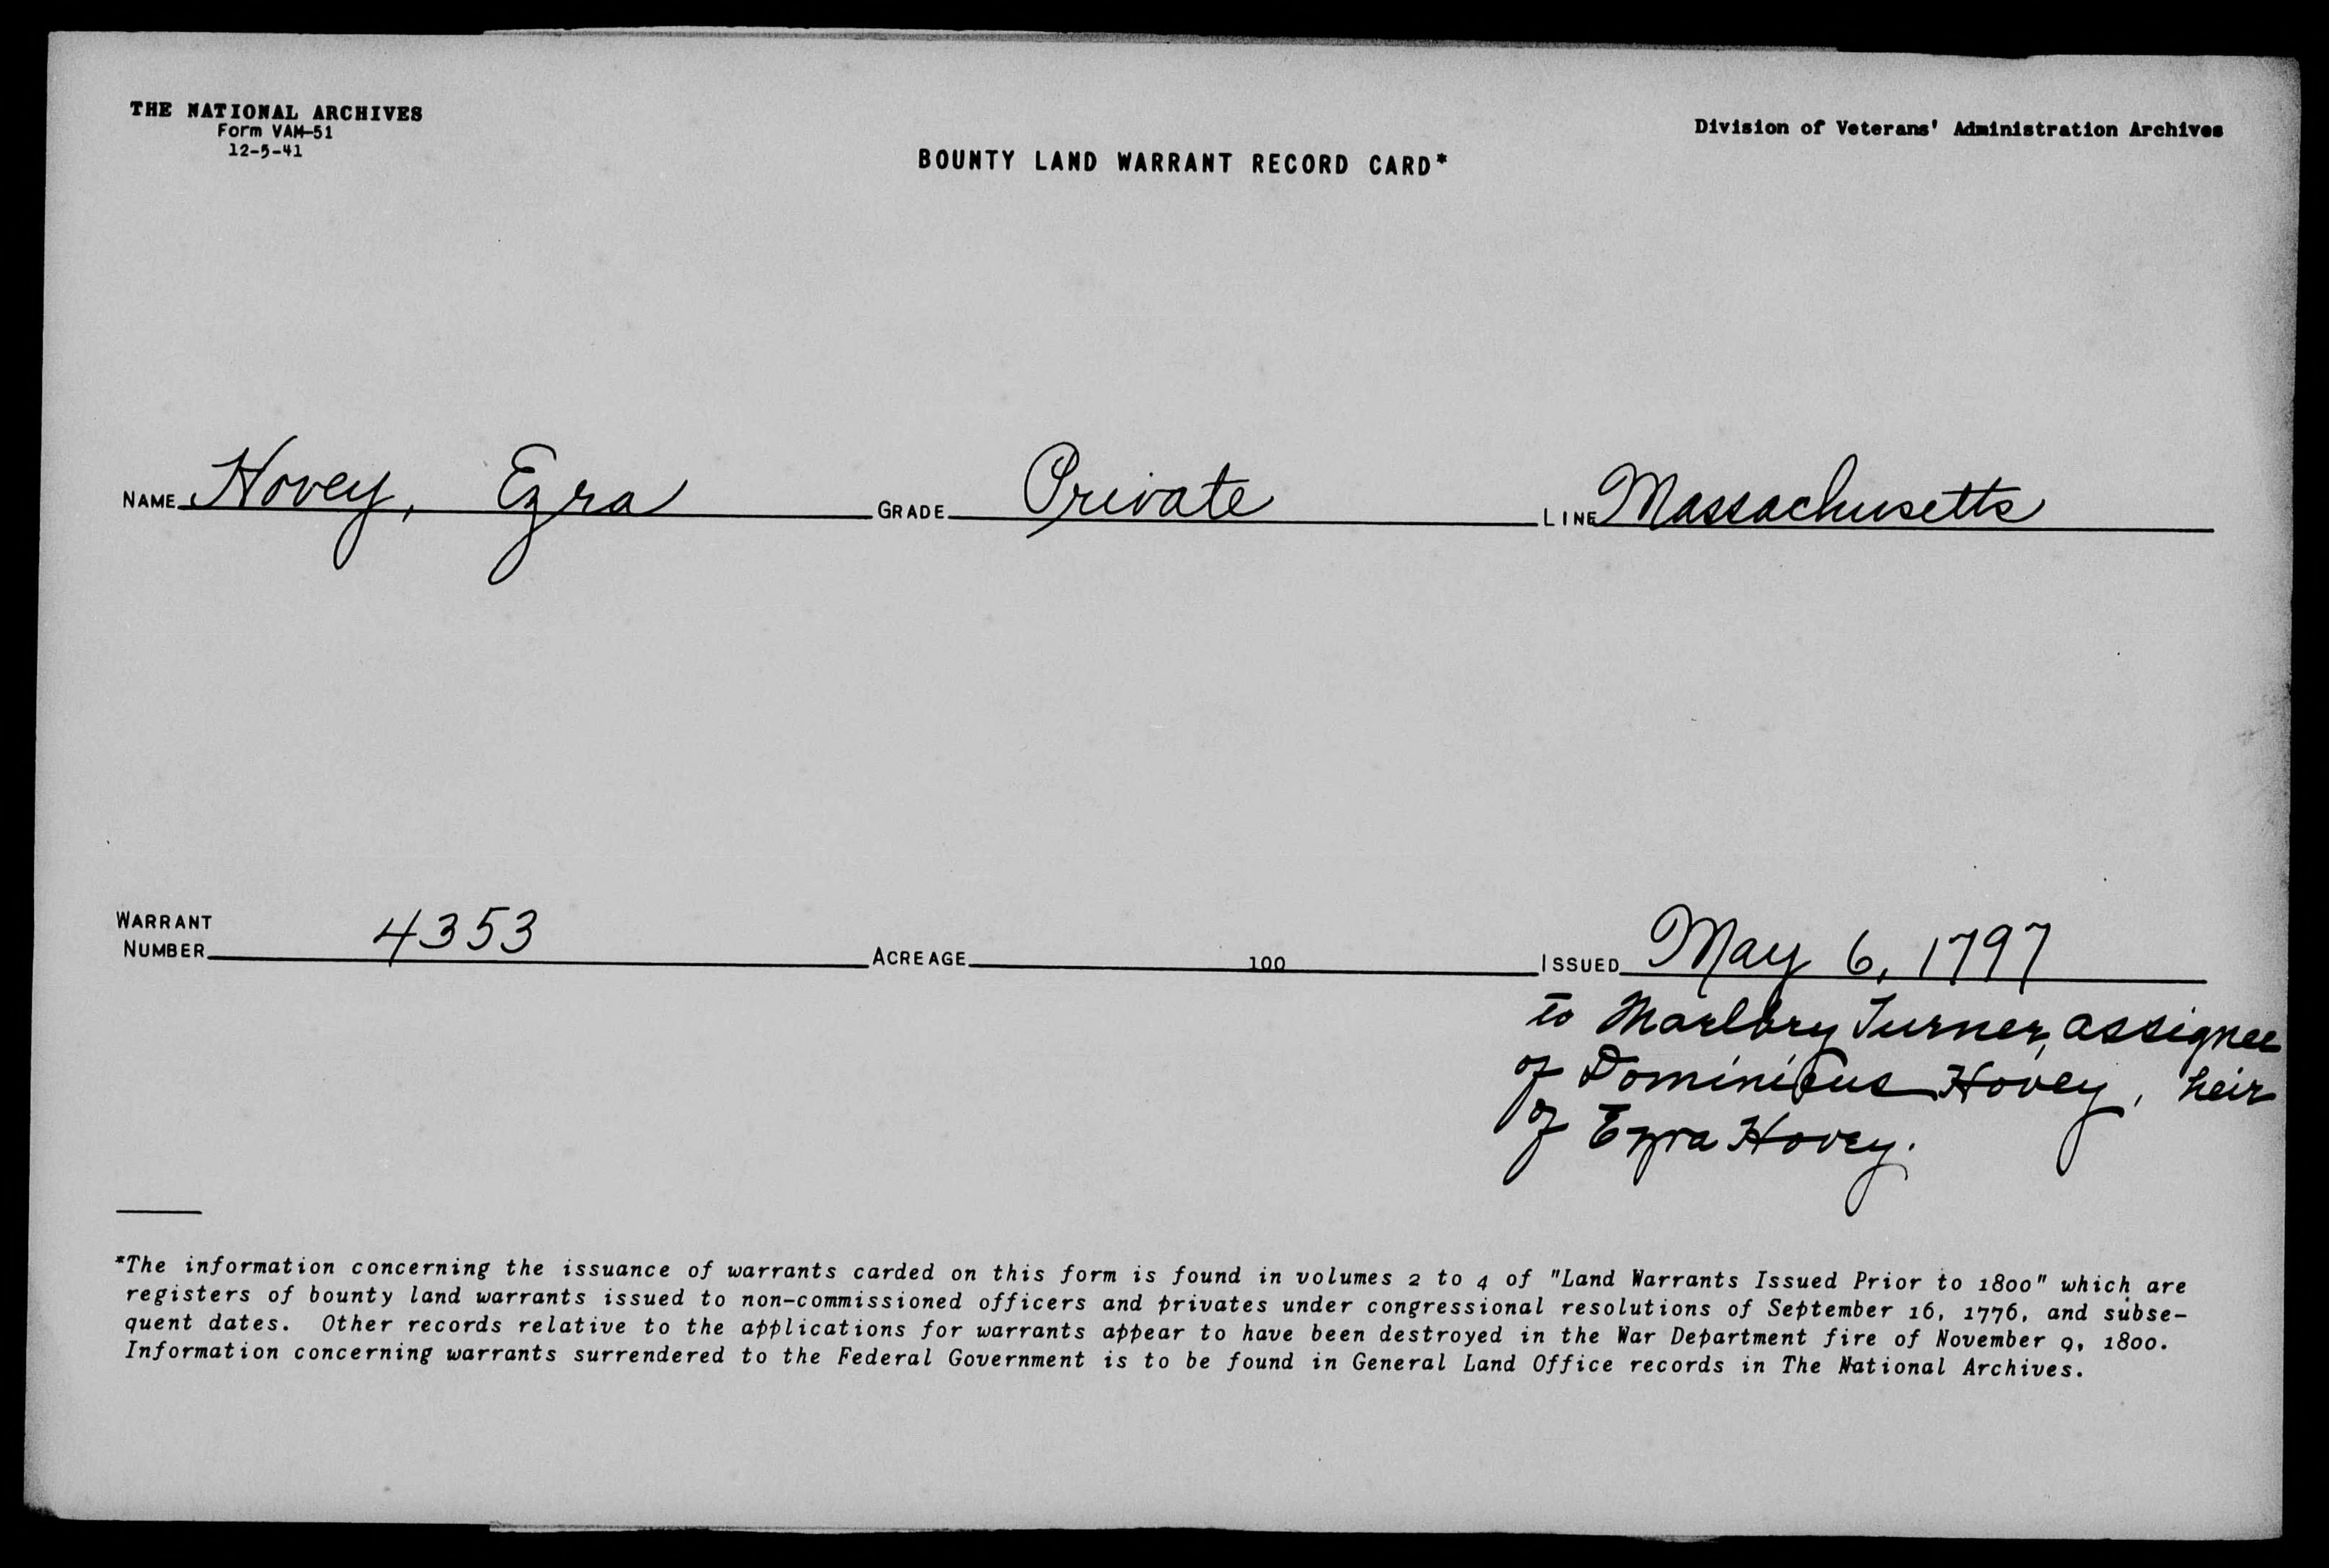The National Archives
Form VAM-51
12-5-41

COUNTY LAND WARRANT RECORD CARD*

Division of Veterans' Administration Archives

Name Hovey, Ezra
Grade Private
Line Massachusetts

Warrant Number 4353 
Acreage 100
Issued May 6, 1797
to Marlbry Turner, assignee of Dominicus Hovey, heir of Ezra Hovey
*The information concerning the issuance of warrants carded on this form is found in volumes 2 to 4 of "Land Warrants Issued Prior to 1800" which are registers of bounty land warrants issued to non-commissioned officers and privates under congressional resolutions of September 16, 1776, and subsequent dates. Other records relative to the applications for warrants appear to have been destroyed in the War Department fire of November 9, 1800. Information concerning warrants surrendered to the Federal Government is to be found in General Land Office records in the National Archives.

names: Dominicus Hovey, Ezra Hovey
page: 13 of 13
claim: survivor's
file: S. 18451, Dudley Hovey, Conn.